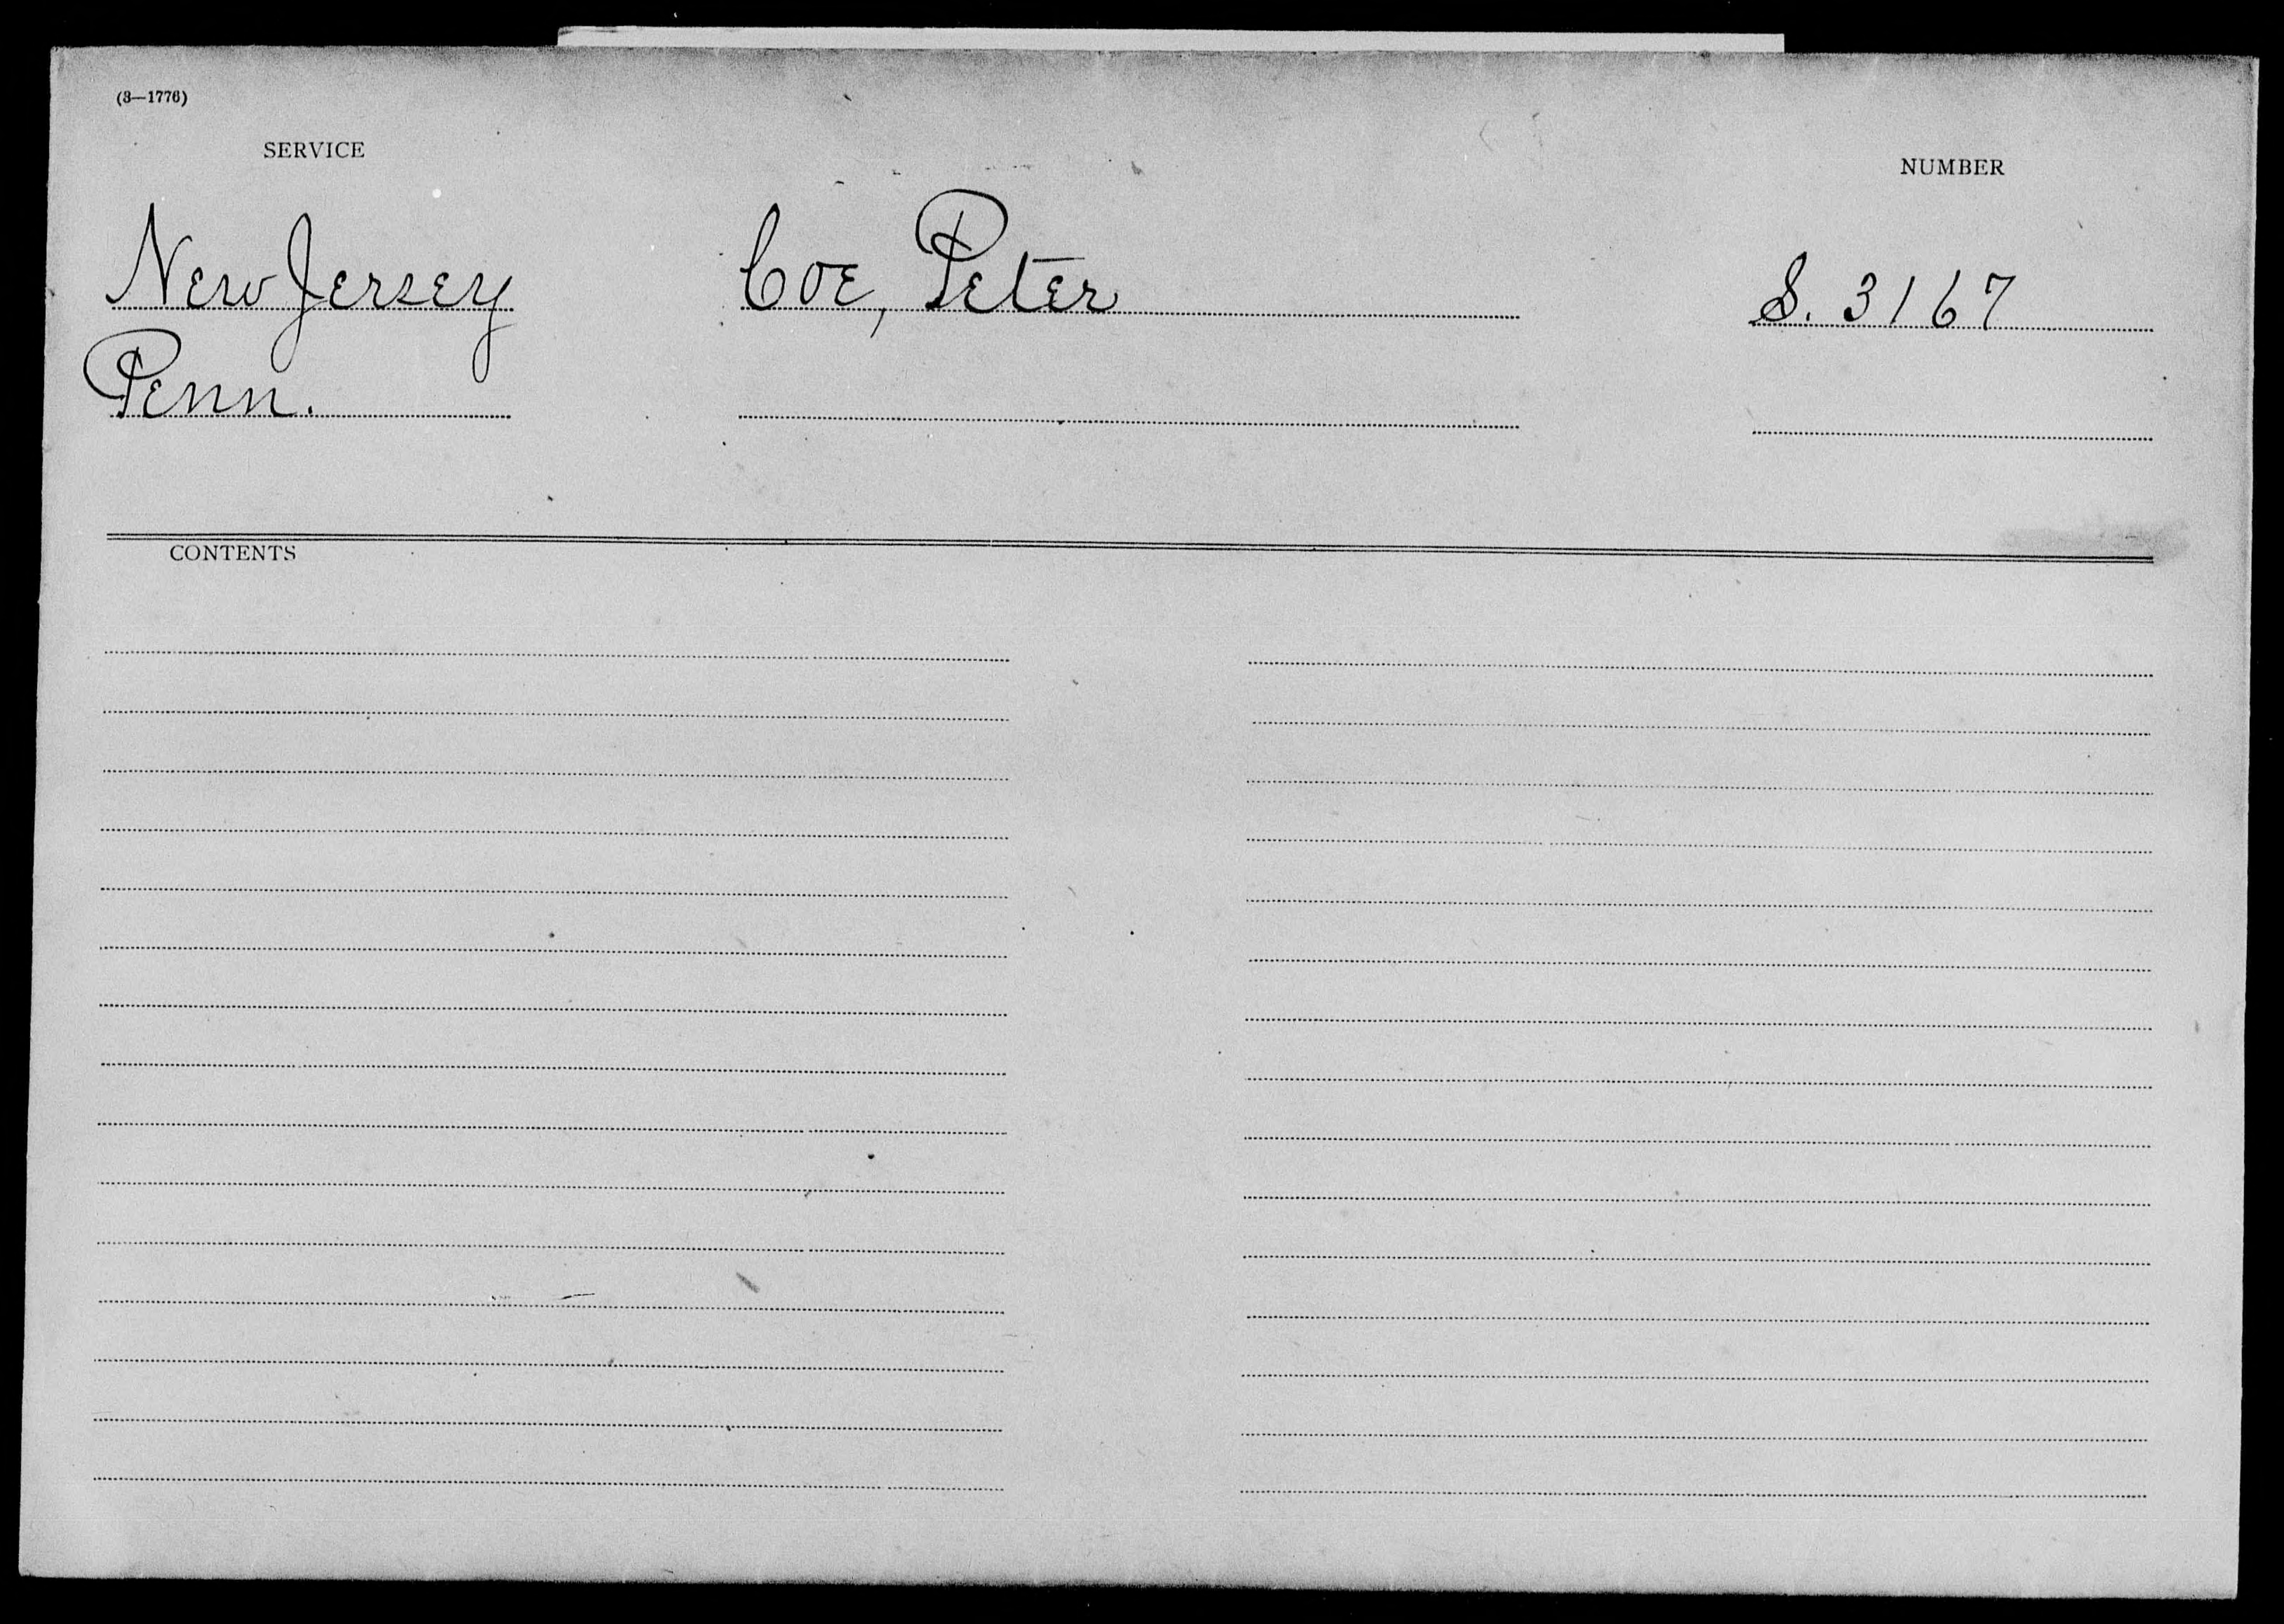(3-1776)
SERVICE
New Jersey Penn.
Coe, Peter
NUMBER 
S.3167

CONTENTS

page: 1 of 23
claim: survivor's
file: S. 3167, Peter Coe, New Jersey Penn.